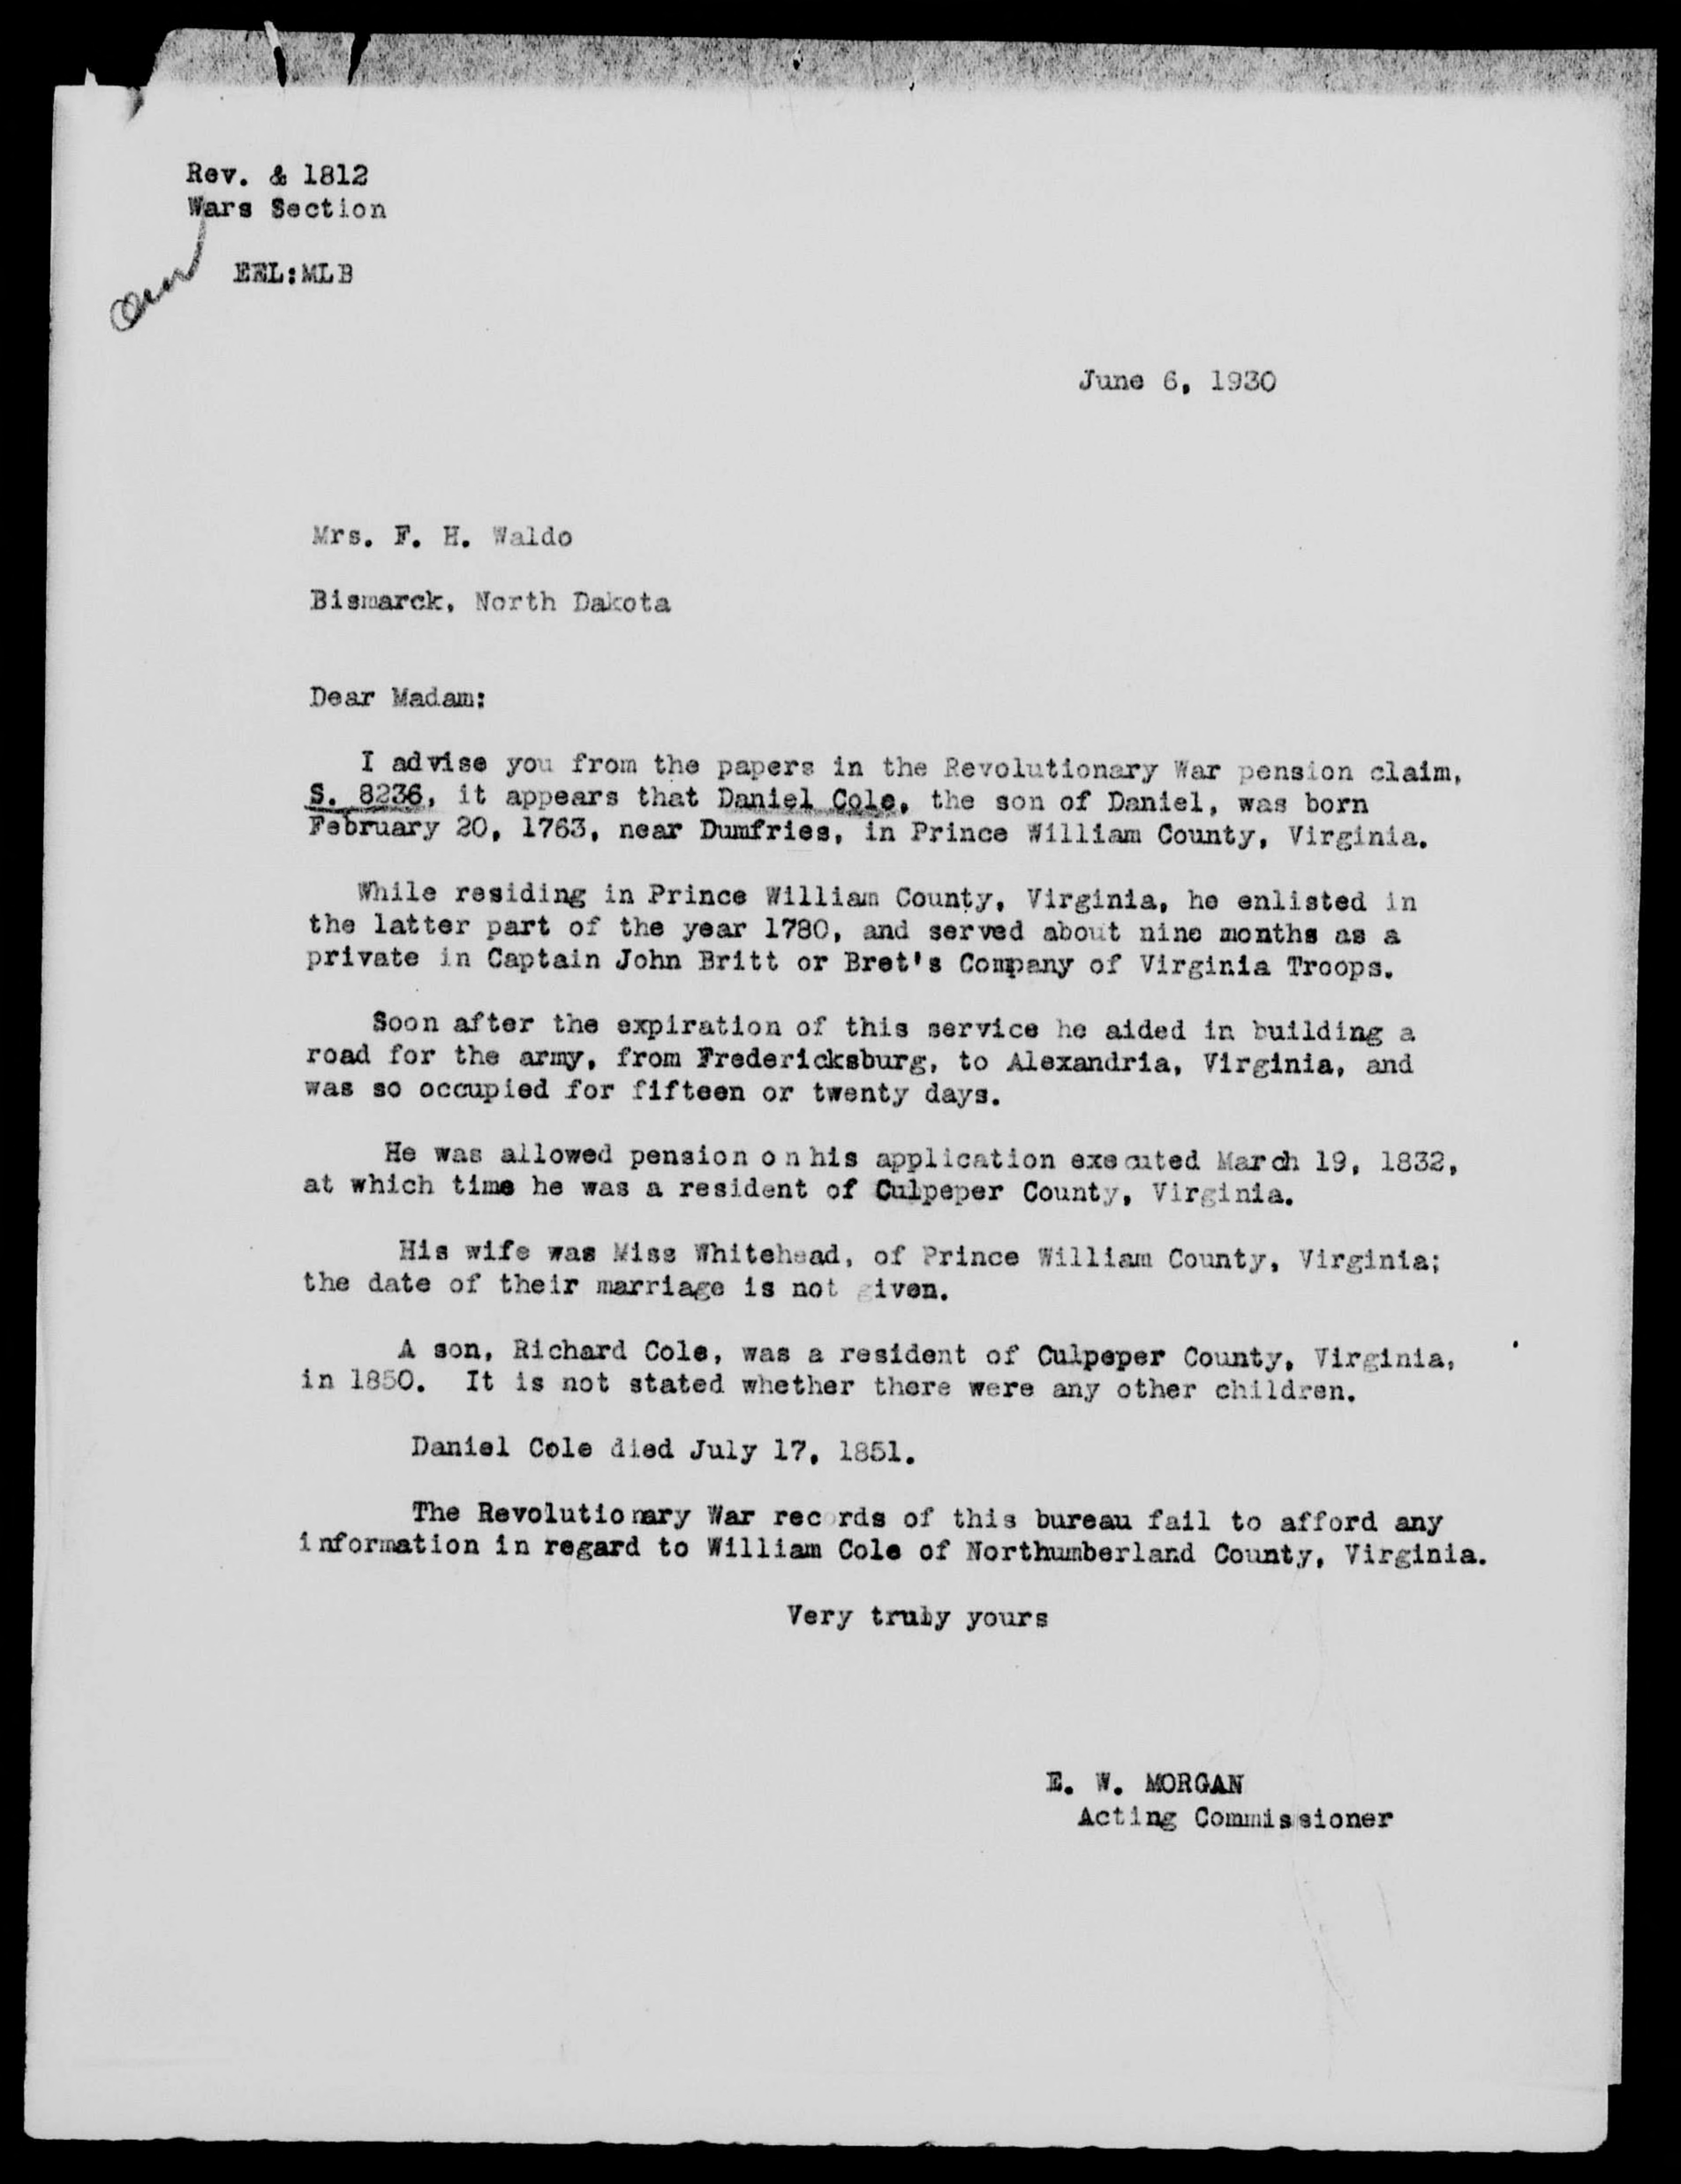Rev. & 1812 
Wars Section
EEL: MLB [illegible initial added by hand to the left]

June 6, 1930 

Mrs. F. H. Waldo
Bismarck, North Dakota

Dear Madam:
I advise you from the papers in the Revolutionary War pension claim, S. 8236, it appears that Daniel Cole, the son of Daniel, was born February 20, 1763, near Dumfries, in Prince William County, Virginia.

While residing in Prince William County, Virginia, he enlisted in the latter part of the year 1780, and served about nine months as a private in Captain John Britt or Bret's Company of Virginia Troops.

Soon after the expiration of this service he aided in building a road for the army, from Fredericksburg, to Alexandria, Virginia, and was so occupied for fifteen or twenty days.

He was allowed pension on his application executed March 19, 1832, at which time he was a resident of Culpeper County, Virginia.

His wife was Miss Whitehead, of Prince William County, Virginia; the date of their marriage is not given.

A son, RIchard Cole, was a resident of Culpeper County, Virginia, in 1850. It is not stated whether there were any other children.

Daniel Cole died July 17, 1851.

The Revolutionary War records of this bureau fail to afford any information in regard to William Cole of Northumberland County, Virginia.

Very truly yours 
E.W. Morgan
Acting Commissioner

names: William Cole, F H Waldo, Richard Cole, E W Morgan, Daniel Cole, Daniel Cole, Daniel, Whitehead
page: 7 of 61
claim: survivor's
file: S. 8236, Daniel Cole, Va.